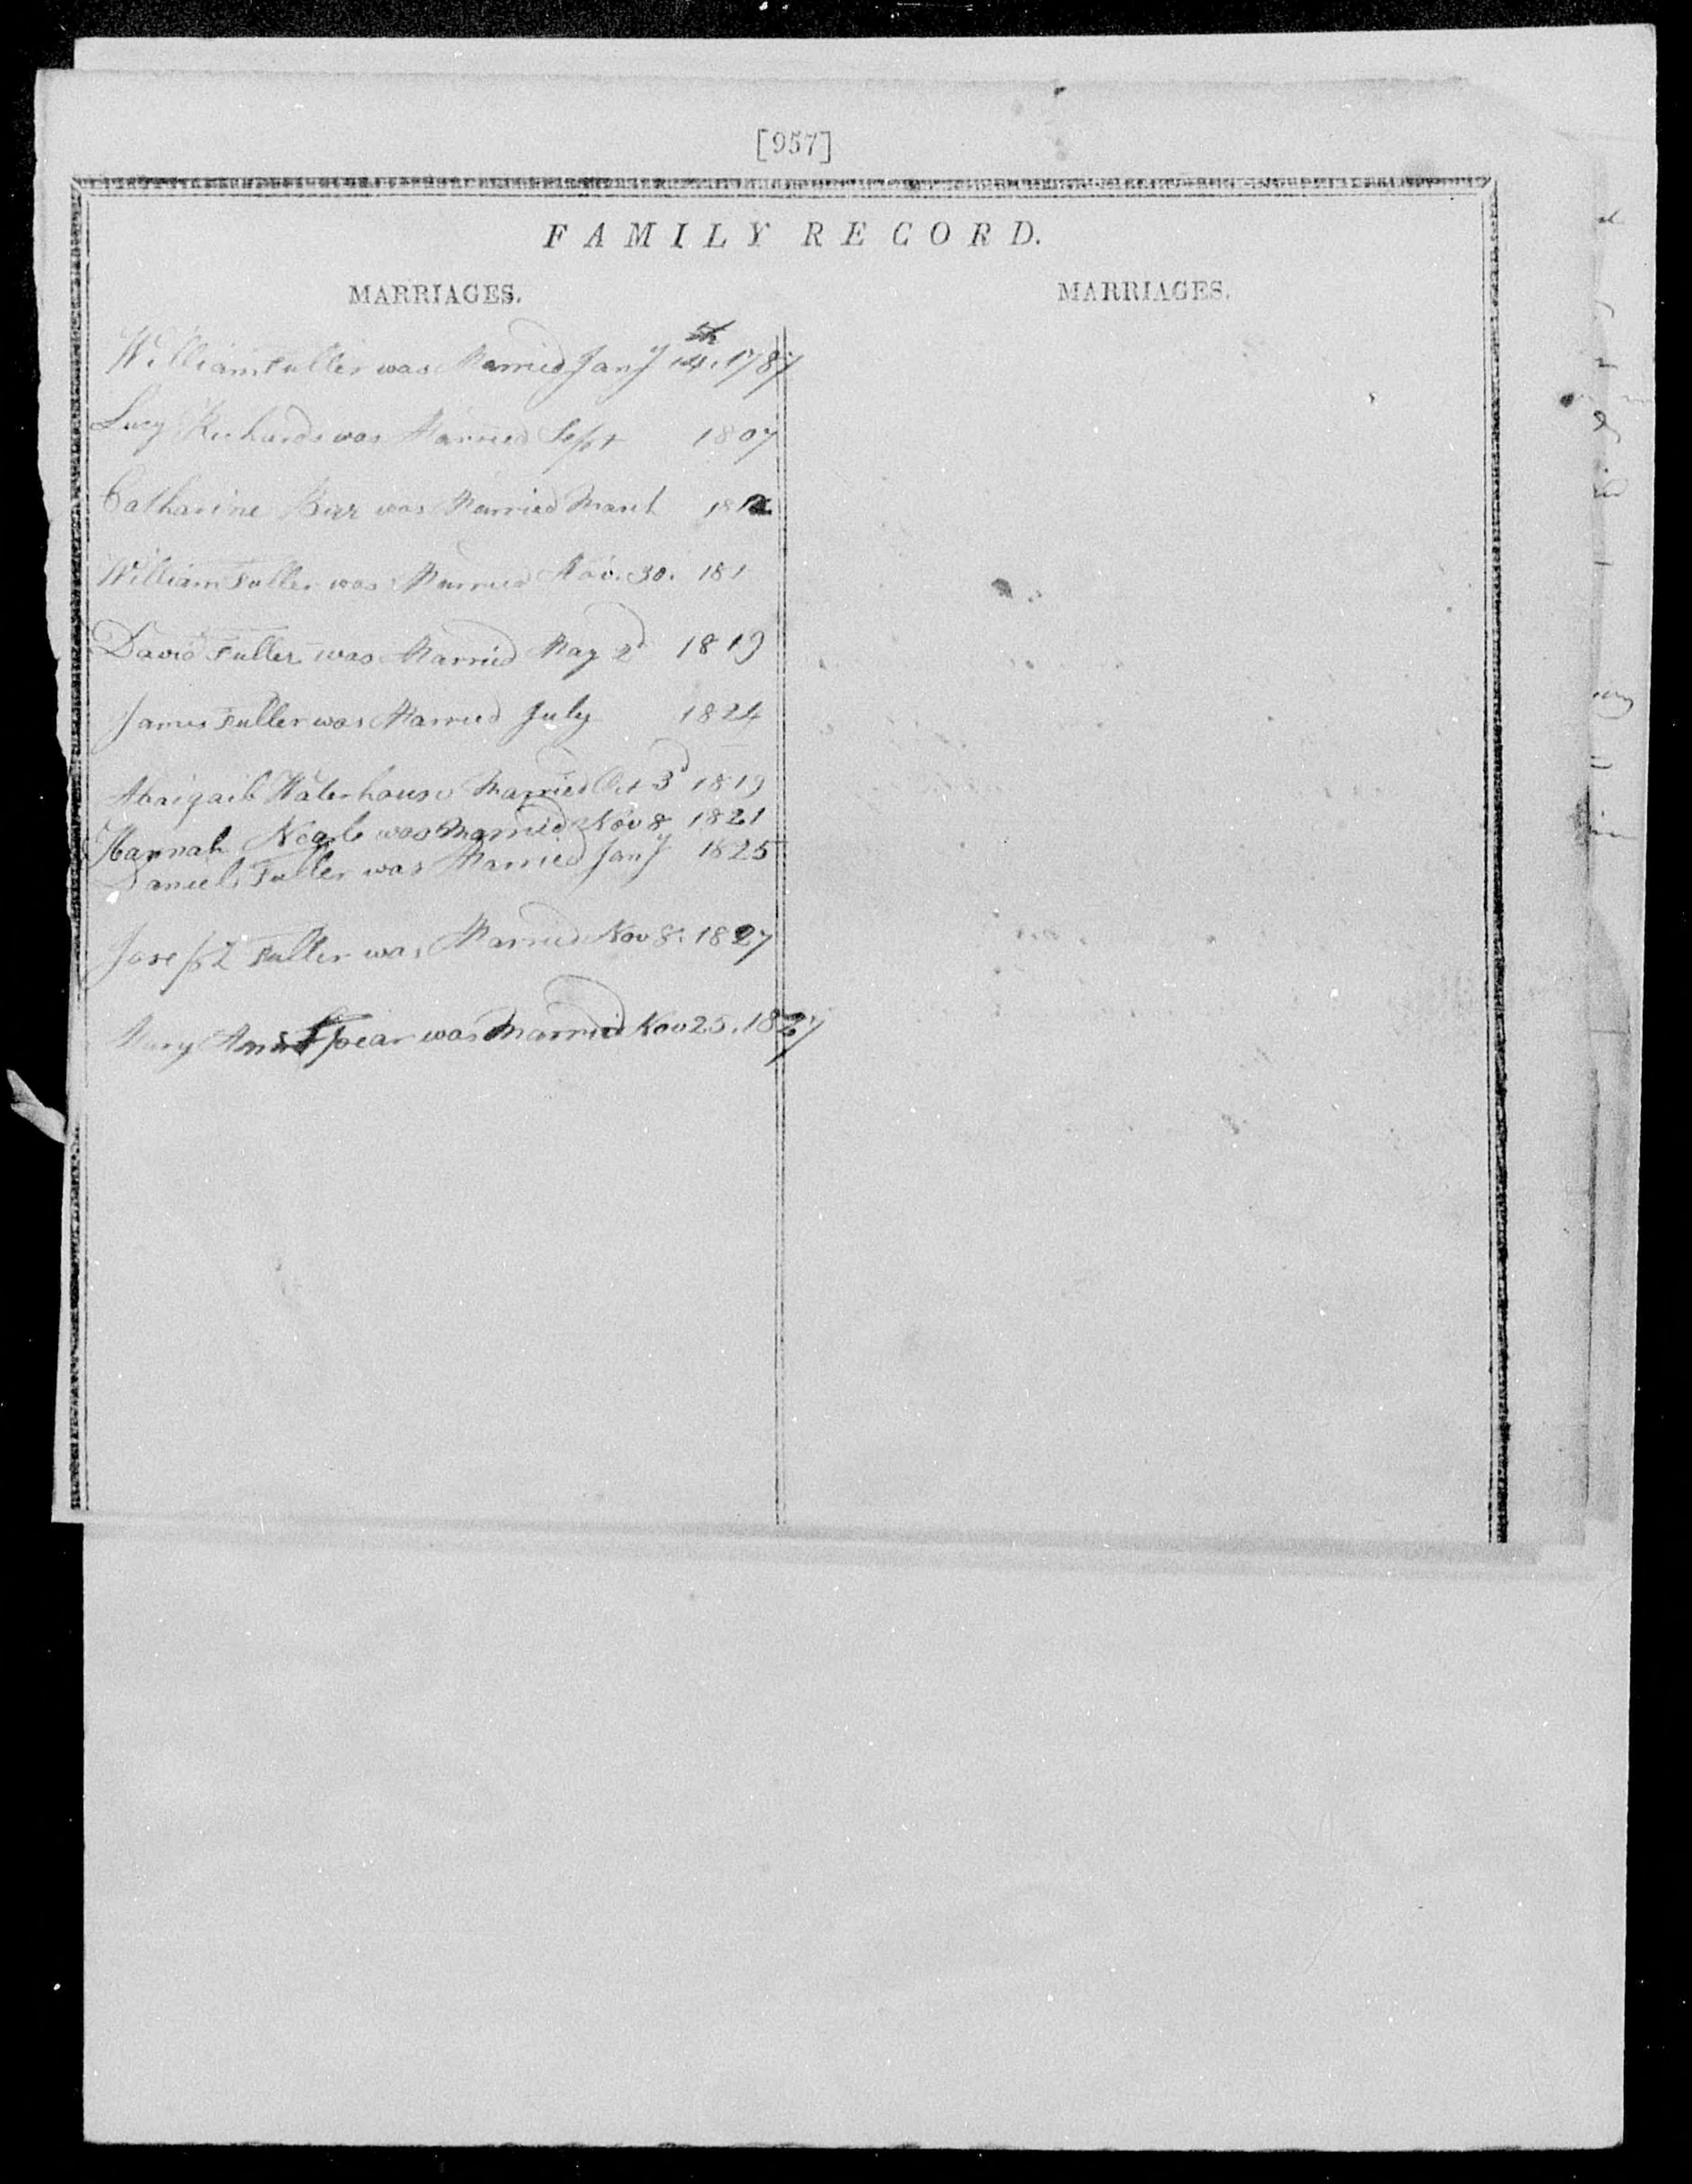[957]
FAMILY RECORD.
MARRIAGES.
William Fuller was married Jan’y 14th 1787
Lucy Richards was married Sept 1807
Catherine Barr was married March 1812
William Fuller was married Nov. 30, 181
David Fuller was married May 2nd 1819
James Fuller was married July 1824
Abigail Waterhouse married Oct 3rd 1819
Hannah Neale was married Nov 8 1821
Daniel Fuller was married Jan’y 1825
Joseph Fuller was married Nov 8, 1827
Mary Ann [illegible]pear was married Nov 25, 1827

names: Catharine Berr, David Fuller, Hannah Neal, Daniel Fuller, Lucy Richards, Mary Ann Spear, James Fuller, William Fuller, Abaigail Waterhouse, William Fuller, Joseph Fuller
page: 15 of 45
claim: widow's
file: W. 17933, William Fuller, Mass